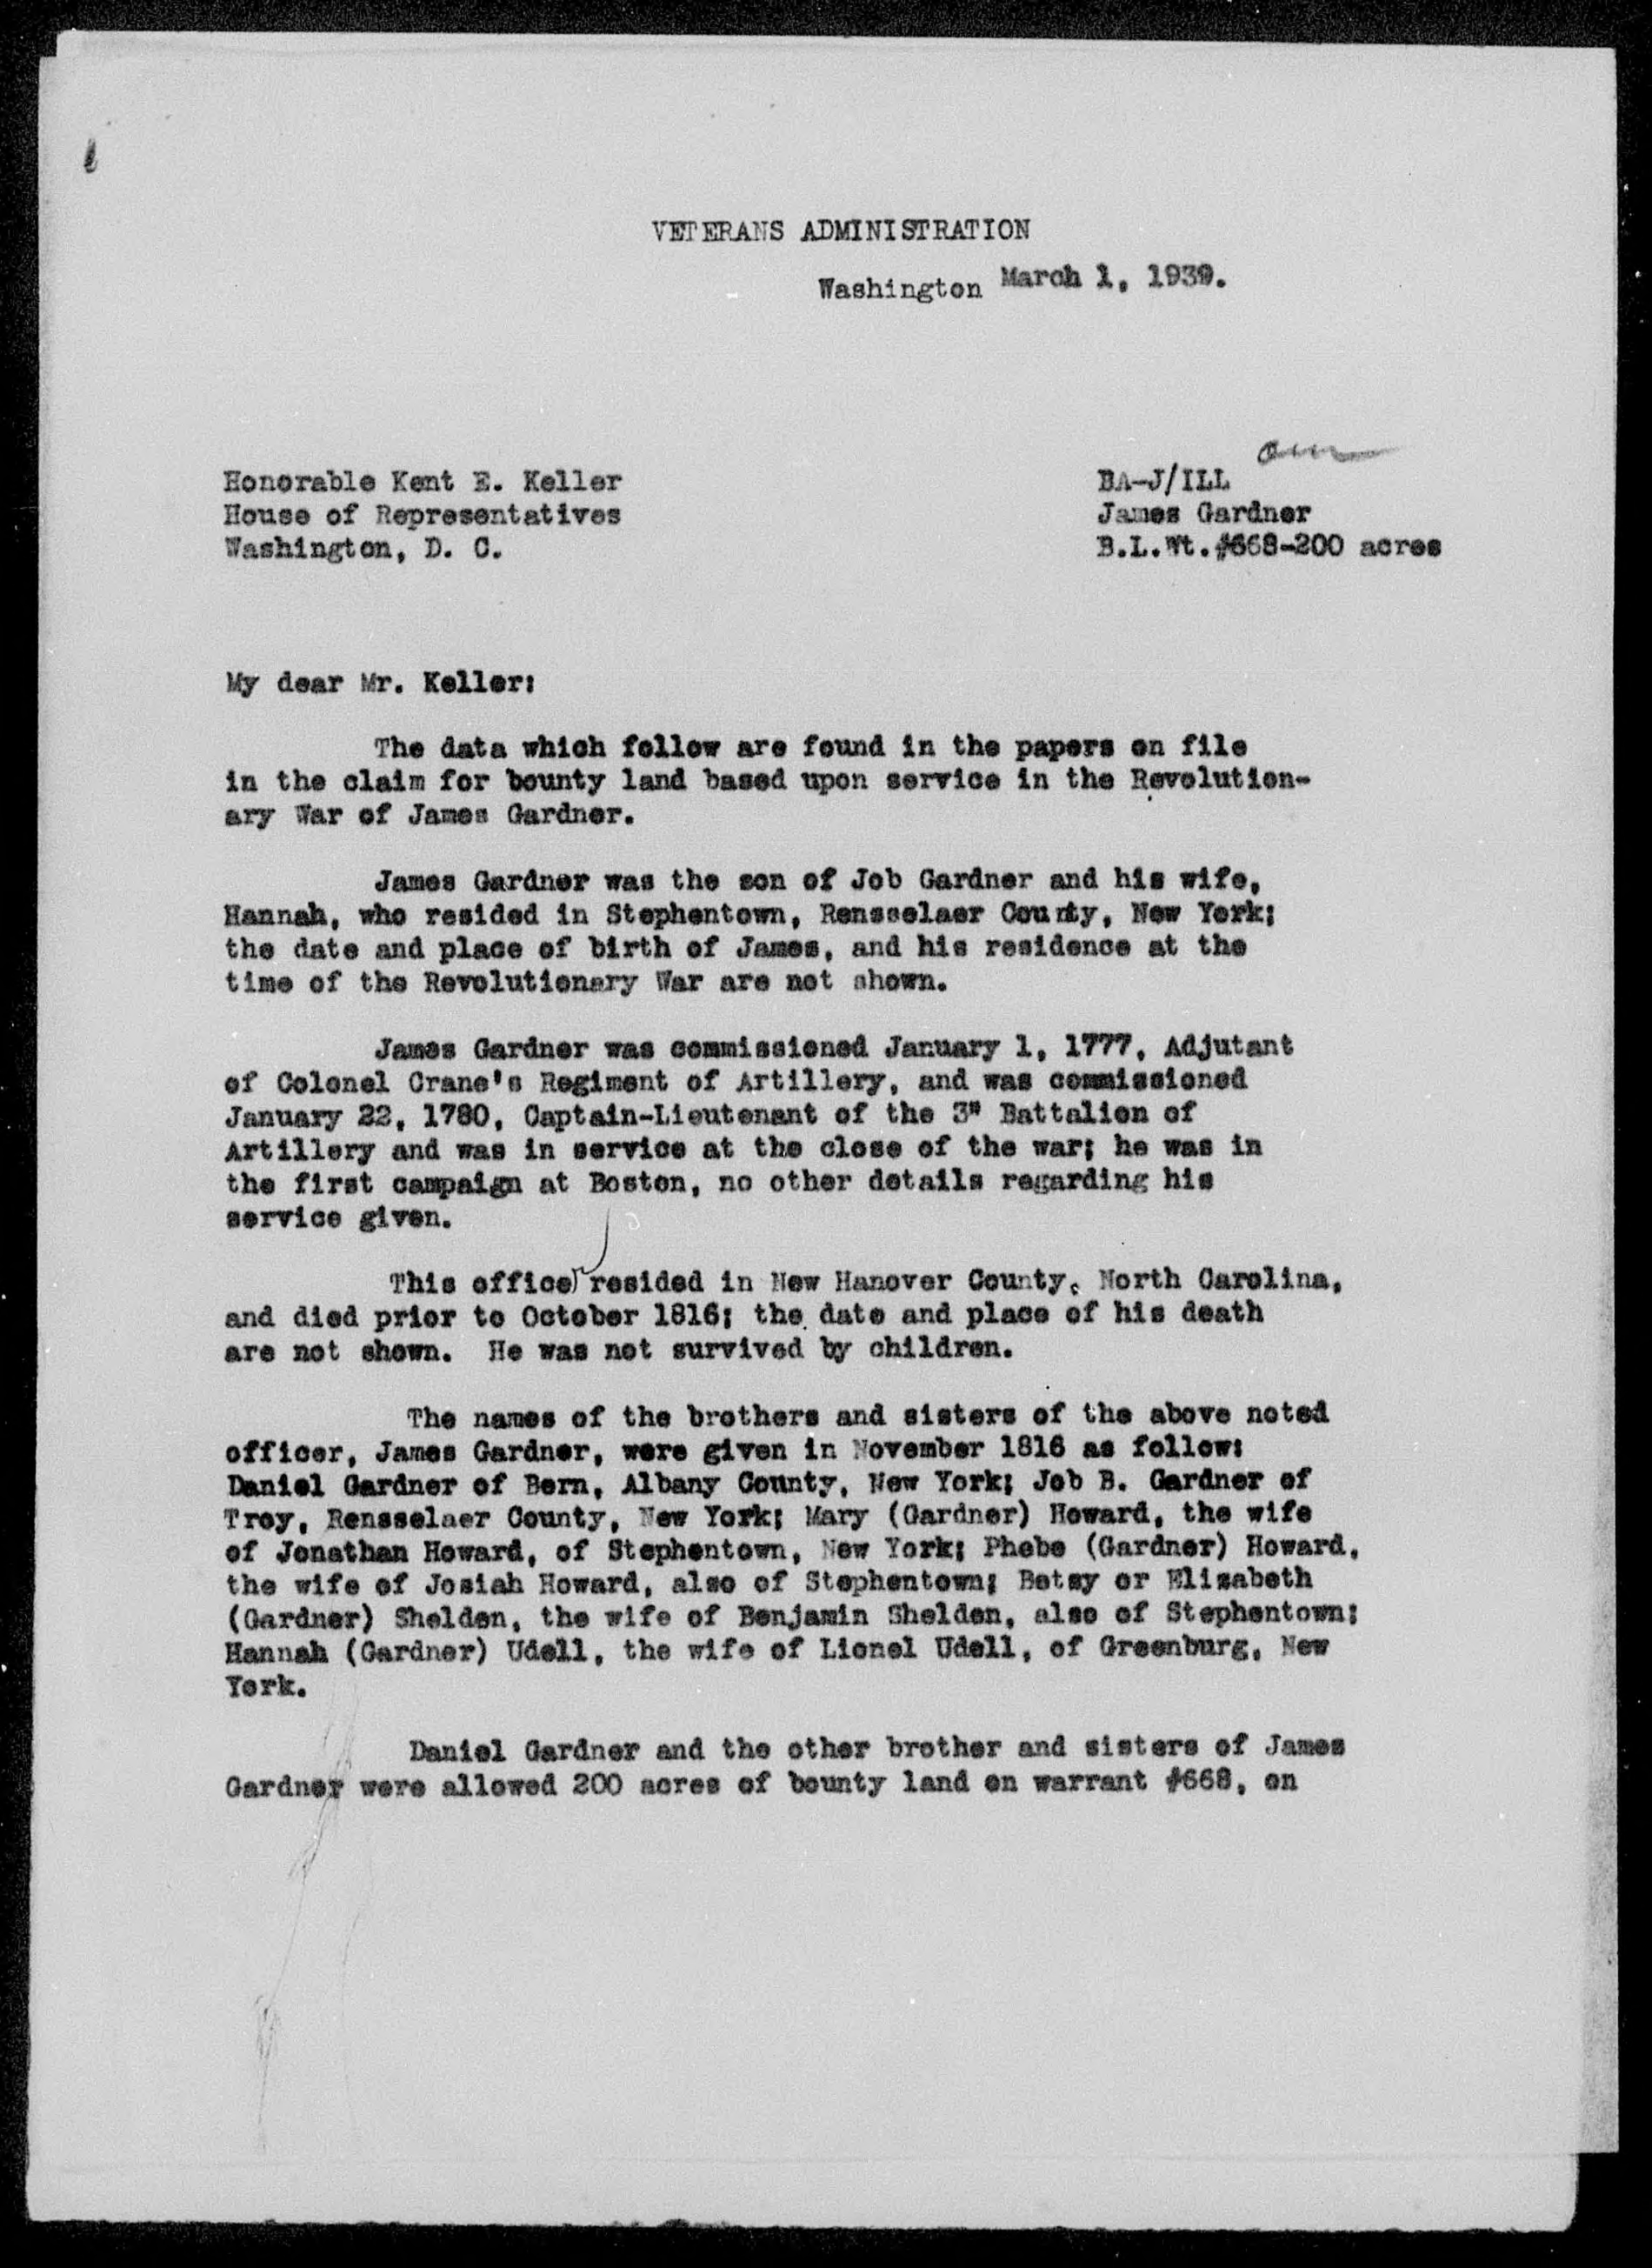VETERANS ADMINISTRATION 
Washington March 1, 1939. 
Honorable Kent E. Keller 
House of Representatives 
Washington, D. C. 
BA-J/ILL James Gardner
B.L. Wt. #668-200 acres
My dear Mr. Keller:
The data which follow are found in the papers on file in the claim for bounty land based upon service in the Revolutionary War of James Gardner. 
James Gardner was the son of Job Gardner and his wife, Hannah. who resided in Stephentown, Rensselaer County, New York; the date and place of birth of James, and his residence at the time of the Revolutionary War are not shown. 
James Gardner was commissioned January 1, 1777, Adjutant of Colonel Crane's Regiment of Artillery, and was commissioned January 22, 1780, Captain-Lieutenant of the 3d Battalion of Artillery and was in service at the close of the war; he was in the first campaign at Boston, no other details regarding his service given. 
This officer resided in New Hanover County, North Carolina, and died prior to October 1816; the date and place of his death are not shown. He was not survived by children. 
The names of the brothers and sisters of the above noted officer, James Gardner, were given in November 1816 as follows: Daniel Gardner of Bern, Albany County, New York; Job B. Gardner of Troy, Rensselaer County, New York; Mary (Gardner) Howard, the wife of Jonathan Howard, of Stephentown, New York; Phebe (Gardner) Howard, the wife of Josiah Howard, also of Stephentown; Betsy or Elizabeth (Gardner) Shelden, the wife of Benjamin Shelden, also of Stephentown; Hannah (Gardner) Udell, the wife of Lionel Udell, of Greenburg, New York . 
Daniel Gardner and the other brother and sisters of James Gardner were allowed 200 acres of bounty land on warrant #668, on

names: Phebe Gardner, Daniel Gardner, Lionel Udell, Daniel Gardner, Elizabeth Gardner, James Gardner, Job Gardner, Hannah Udell, James Gardner, Kent E Keller, Betsy Shelden, Elizabeth Shelden, James, Keller, Mary Gardner, James Gardner, James Gardner, Jonathan Howard, Hannah Gardner, Josiah Howard, Gardner, James Gardner, James Gardner, Hannah, Mary Howard, Benjamin Shelden, Betsy Gardner, Phebe Howard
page: 9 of 18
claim: bounty land warrant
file: B. L. Wt. 668-200, James Gardner, Continental Artillery Parents Of N.Y.